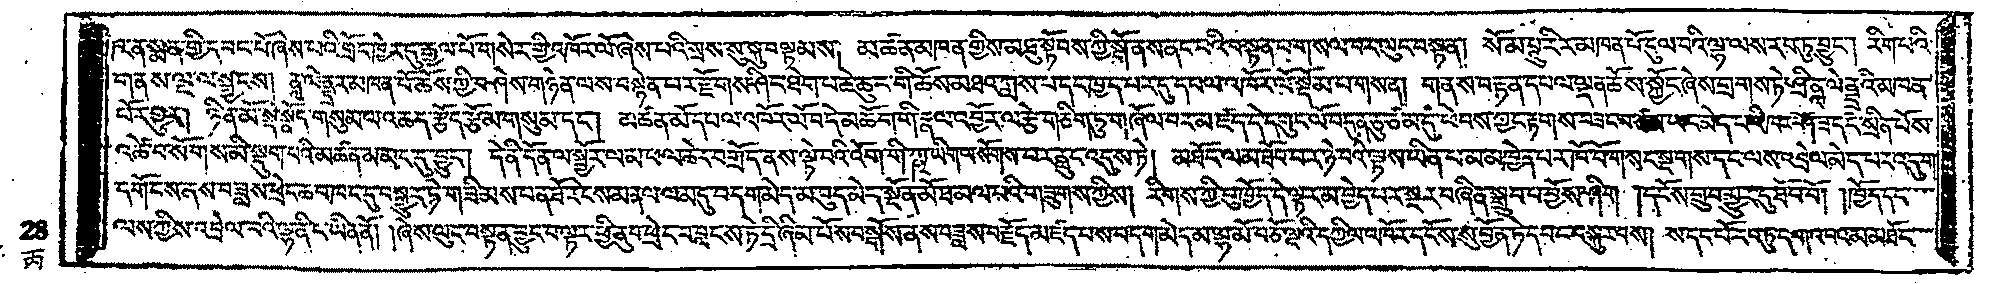ཥ་ན་སྨན་གྱི་དབང་པོ་ཞེས་པའི་གྲོང་ཁྱེར་དུ་རྒྱལ་པོ་གསེར་གྱི་འཁོར་ལོ་ཞེས་པའི་སྲས་སུ་སྐུ་བལྟམས། མཚན་མཁན་གྱིས་མཐུ་སྟོབས་ཀྱི་སྒོ་ནས་ནང་པའི་བསྟན་པ་གསལ་བར་ལུང་བསྟན། སོ་མ་པཱུ་རིར་མཁན་པོ་དུལ་བའི་ལྷ་ལས་རབ་ཏུ་བྱུང་། རིག་པའི་
གནས་ལྔ་ལ་སྦྱངས། ནཱ་ལེནྡྲར་མཁན་པོ་ཆོས་ཀྱི་བཤེས་གཉེན་ལས་བསྙེན་པར་རྫོགས་ཤིང་ཐེག་པ་ཆེ་ཆུང་གི་ཆོས་མཐའ་ཀླས་པ་དང་ཁྱད་པར་དུ་དཔལ་འཁོར་ལོ་སྡོམ་པ་གསན། གནས་བརྟན་དཔལ་ལྡན་ཆོས་སྐྱོང་ཞེས་གྲགས་ཏེ་ཤྲི་ནཱ་ལེནྡྲའི་མཁན་
པོར་གྱུར། ཉིན་མོ་སྡེ་སྣོད་གསུམ་ལ་འཆད་རྩོད་རྩོམ་གསུམ་དང་། མཚན་མོ་དཔལ་འཁོར་ལོ་བདེ་མཆོག་གི་རྣལ་འབྱོར་ལ་རྩེ་གཅིག་ཏུ་གཞོལ་བར་མཛད་དེ་དགུང་ལོ་བདུན་ཅུ་ཙམ་དུ་ཕེབས་ཀྱང་རྟགས་བཟང་བ་ཙམ་ཡང་མེད་པའི་ཁར་ཤོ་ཟ་དང་སྲིན་པོས་
འཚེ་བ་སོགས་མི་སྡུག་པའི་མཚན་མ་མང་དུ་བྱུང་། དེ་ནི་དོན་ལ་སྦྱོར་ལམ་ཕལ་ཆེར་བགྲོད་ནས་ལྟེ་བའི་འོག་གི་ཀྵ་ཡིག་ལ་སོགས་པར་རླུང་འདུས་ཏེ། མཐོང་ལམ་ཐོབ་པར་ཉེ་བའི་ལྟས་ཡིན་པ་མ་མཁྱེན་པར་ཁོ་བོ་གསང་སྔགས་དང་ལས་འབྲེལ་མེད་པར་འདུག་
དགོངས་ནས་བཟླས་ཕྲེང་ཆབ་ཁང་དུ་བསྒྱུར་ཏེ་གཟིམས་པ་ན་ཐོ་རེངས་མནལ་ལམ་དུ་བདག་མེད་མ་བུད་མེད་སྔོན་མོ་ཐ་མལ་པའི་གཟུགས་ཀྱིས། རིགས་ཀྱི་བུ་ཁྱོད་དེ་ལྟར་མ་བྱེད་པར་སྔར་བཞིན་སྒྲུབ་པ་བྱོས་ཤིག །དངོས་གྲུབ་མྱུར་དུ་ཐོབ་བོ། །ཁྱོད་དང་
ལས་ཀྱིས་འབྲེལ་བའི་ལྷ་ནི་ང་ཡིན་ནོ། །ཞེས་ལུང་བསྟན་བྱུང་བ་ལྟར་ཕྱི་ནུབ་ཕྲེང་བ་བླངས་ཏེ་དྲི་ཞིམ་པོས་བསྒོས་ནས་བཟླས་བརྗོད་མཛད་པས་བདག་མེད་མ་ལྷ་མོ་བཅོ་ལྔའི་དཀྱིལ་འཁོར་དངོས་སུ་བྱོན་ཏེ་དབང་བསྐུར་བས། ས་དང་པོ་རབ་ཏུ་དགའ་བའམ་མཐོང་